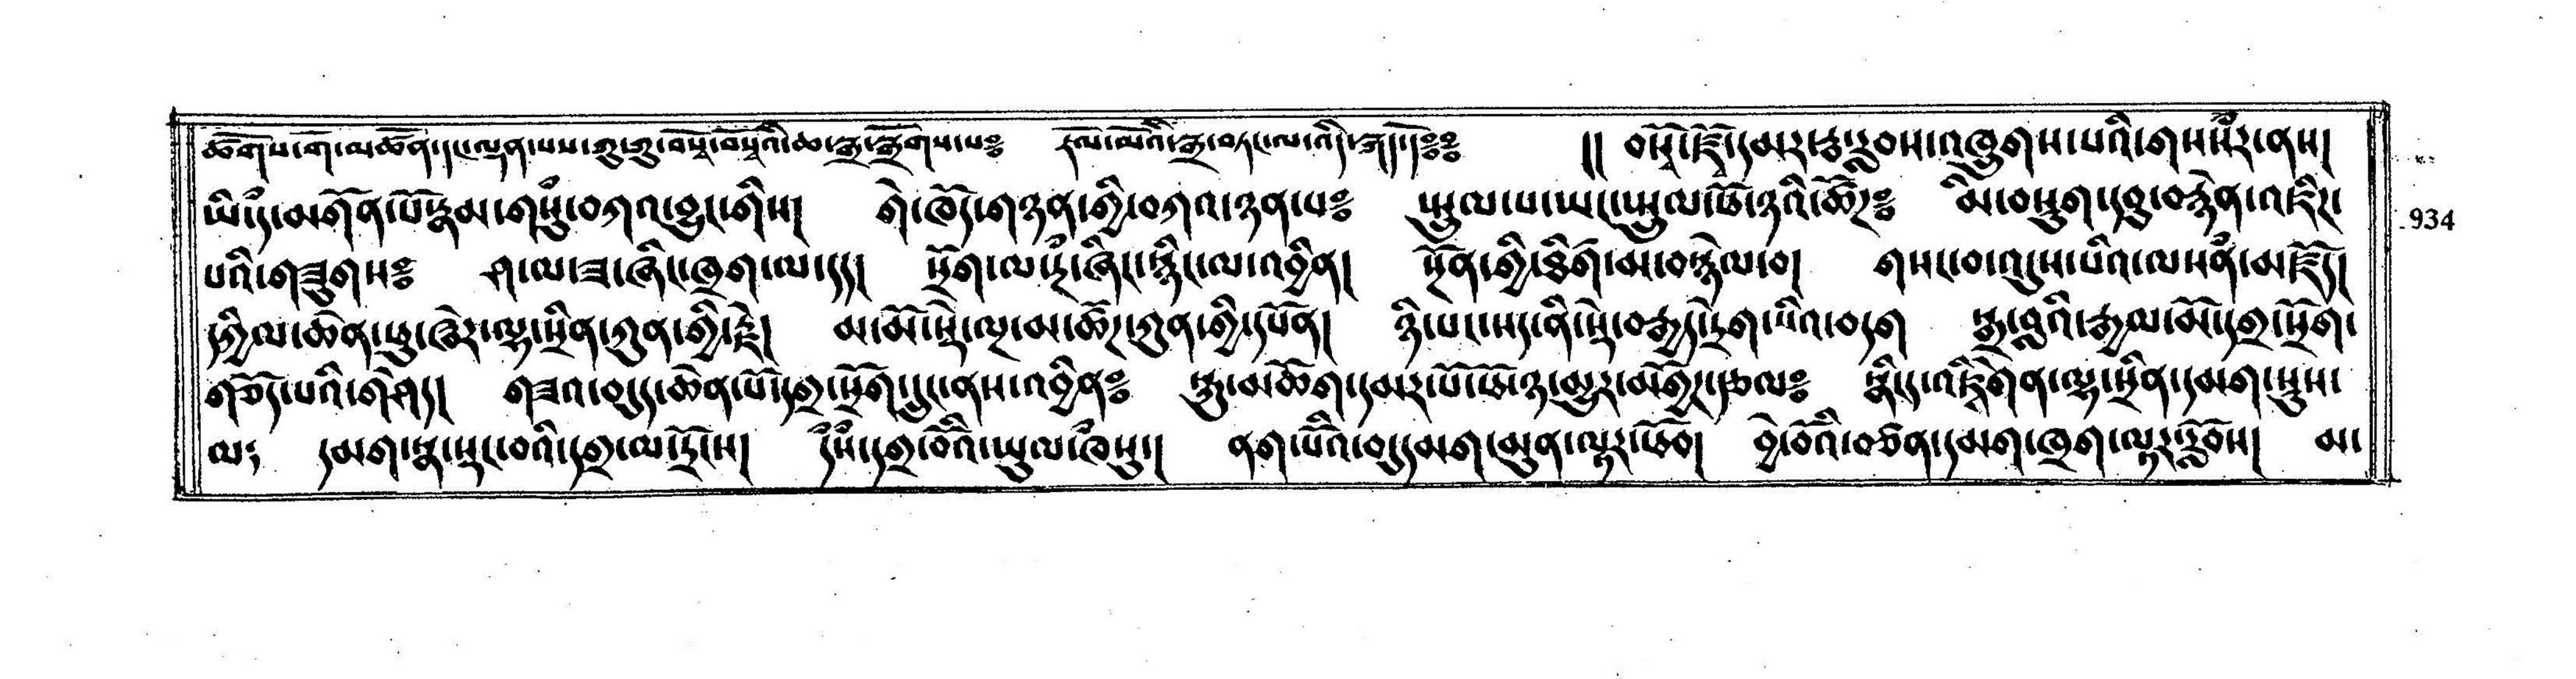ཚོགས་གོ་མཚོན་དང་ལྡན་པས་ཀུ་ཀུ་བསྭོ་བསྭོའི་ཆ་སྒྲ་སྒྲོགས་པ༔ རོལ་མོའི་སྒྲ་བཏང་ལ་འདི་སྐད་དོ༔༔ །།བསྭོ་ཛྭོ་དམར་རྦ་རླབས་འཁྲུགས་པའི་གསས་མཁར་ནས། 
ཡི་དམ་མགོན་པོ་རྣམ་གསུམ་བཀའ་བྱུང་གིས། གེ་ཁོད་གཉན་གྱི་བཀའ་ཉན་པ༔ སྤྲུལ་པ་ཡང་སྤྲུལ་ཕོ་ཉའི་ཚོགས༔ མི་བསྡུག་དབུ་བརྙན་འཇིགས་
པའི་གཟུགས༔ ཤ་ལ་ཟ་ཞིང་ཁྲག་ལ་དད། སྲོག་ལ་རྔམ་ཞིང་སྙིང་ལ་འབྱིན། སྔོན་གྱི་ཐ་ཚིག་མ་བསྙེལ་བ། གསང་བ་འདུས་པའི་ལས་མཁན་མཛོད། 
དཀྱིལ་ཆེན་ཕུ་ཝེར་ལྷ་སྲིན་ཀུན་གྱི་རྗེ། མ་མོ་སྡེ་ལྔ་མ་ཚོགས་ཀུན་གྱི་དཔོན། ཉི་པང་སད་ནི་སྡེ་བརྒྱད་དྲེགས་པའི་བདག སྒྲ་བླའི་རྒྱལ་མོ་དགྲ་སྲོག་
གཅོད་པའི་གཤེད། གཟའ་བདུད་ཆེན་པོ་དགྲ་སྲོག་དྲུང་ནས་འབྱིན༔ སྐུ་མཆོག་དམར་པོ་ཕོ་ཉ་མྱུར་མགྱོགས་རྩལ༔ སྣང་སྲིད་འཇིག་རྟེན་ལྷ་སྲིན་དམག་སྡུས་
ལ། དམག་སྣ་སྡང་བའི་དགྲ་ལ་དྲོངས། དམ་ཉམས་དགྲ་བོའི་ཡུལ་ཁམས་སུ། ནག་པོའི་བདུད་དམག་མུན་ལྟར་ཕོབ། བྱེ་བོའི་བཙན་དམག་ཁྲག་ལྟར་རློབས། མ་